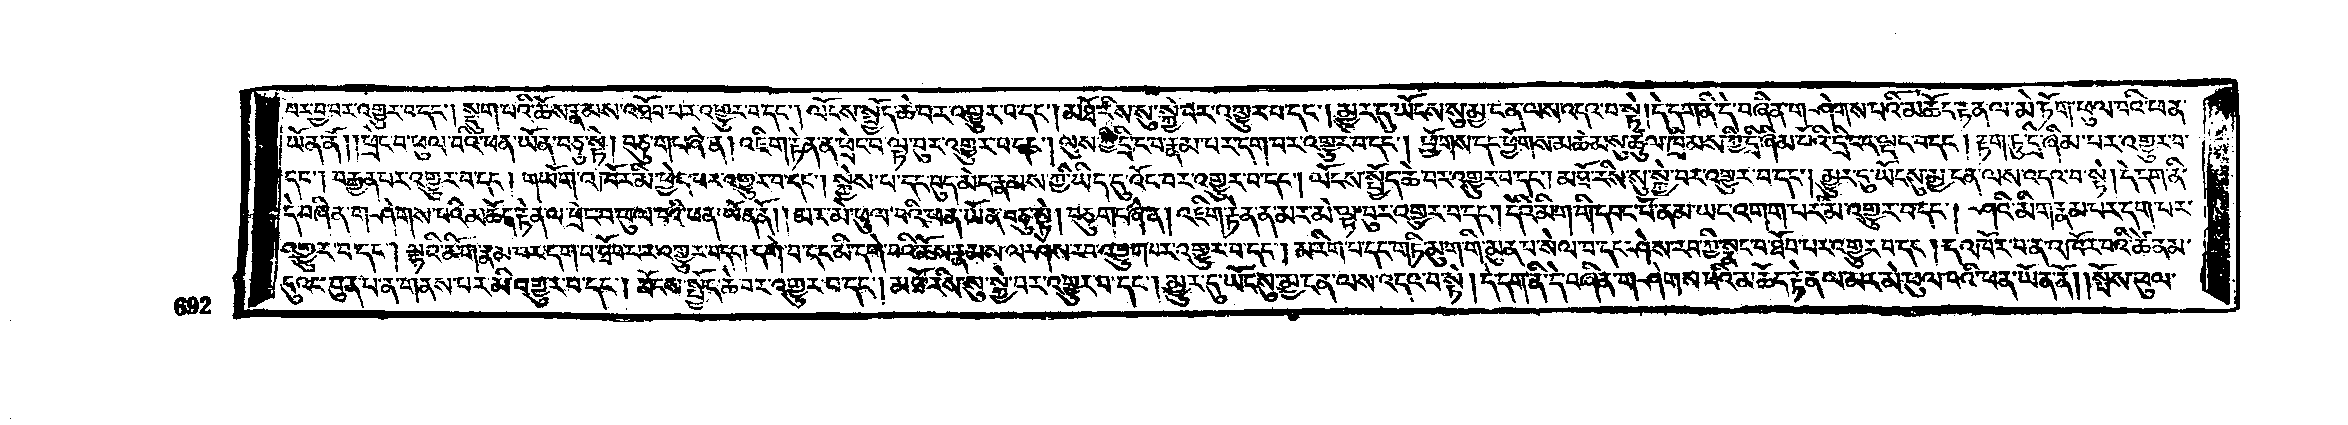བར་བྱ་བར་འགྱུར་བ་དང་། སྡུག་པའི་ཆོས་རྣམས་འཐོབ་པར་འགྱུར་བ་དང་། ལོངས་སྤྱོད་ཆེ་བར་འགྱུར་བ་དང་། མཐོ་རིས་སུ་སྐྱེ་བར་འགྱུར་པ་དང་། མྱུར་དུ་ཡོངས་སུ་མྱ་ངན་ལས་འདའ་བ་སྟེ། དེ་དག་ནི་དེ་བཞིན་གཤེགས་པའི་མཆོད་རྟེན་ལ་མེ་ཏོག་ཕུལ་བའི་ཕན་
ཡོན་ནོ། །ཕྲེང་བ་ཕུལ་བའི་ཕན་ཡོན་བཅུ་སྟེ། བཅུ་གང་ཞེ་ན། འཇིག་རྟེན་ན་ཕྲེང་བ་ལྟ་བུར་འགྱུར་བ་དང་། ལུས་ཀྱི་དྲི་ང་བ་རྣམ་པར་དག་པར་འགྱུར་བ་དང་། ཕྱོགས་དང་ཕྱོགས་མཚམས་སུ་ཚུལ་ཁྲིམས་ཀྱི་དྲི་ཞིམ་པོའི་དྲི་དང་ལྡང་བ་དང་། རྟག་ཏུ་དྲི་ཞིམ་པར་འགྱུར་བ་
དང་། བརྒྱན་པར་འགྱུར་བ་དང་། གཡོག་འཁོར་མི་ཕྱེད་པར་འགྱུར་བ་དང་། སྐྱེས་པ་དང་བུད་མེད་རྣམས་ཀྱི་ཡིད་དུ་འོང་བར་འགྱུར་བ་དང་། ལོངས་སྤྱོད་ཆེ་བར་འགྱུར་བ་དང་། མཐོ་རིས་སུ་སྐྱེ་བར་འགྱུར་བ་དང་། མྱུར་དུ་ཡོངས་སུ་མྱ་ངན་ལས་འདའ་བ་སྟེ། དེ་དག་ནི་
དེ་བཞིན་གཤེགས་པའི་མཆོད་རྟེན་ལ་ཕྲེང་བ་ཕུལ་བའི་ཕན་ཡོན་ནོ། །མར་མེ་ཕུལ་བའི་ཕན་ཡོན་བཅུ་སྟེ། བཅུ་གང་ཞེ་ན། འཇིག་རྟེན་ན་མར་མེ་ལྟ་བུར་འགྱུར་བ་དང་། དེའི་མིག་གི་དབང་པོ་ནམ་ཡང་འགག་པར་མི་འགྱུར་བ་དང་། ཤའི་མིག་རྣམ་པར་དག་པར་འགྱུར་བ་དང་། ལྷའི་མིག་རྣམ་པར་དག་པ་ཐོབ་པར་
འགྱུར་བ་དང་། དགེ་བ་དང་མི་དགེ་བའི་ཆོས་རྣམས་ལ་ཤེས་རབ་འཕྱུག་པར་འགྱུར་བ་དང་། མ་རིག་པ་དང་གཏི་མུག་གི་མུན་པ་སེལ་བ་དང་ཤེས་རབ་ཀྱི་སྣང་བ་ཐོབ་པར་འགྱུར་བ་དང་། དེ་འཁོར་བ་ན་འཁོར་བའི་ཚེ་ནམ་
དུའང་བུན་པ་ན་གནས་པར་མི་འགྱུར་བ་དང་། མོངས་སྤྱོད་ཆེ་བར་འགྱུར་བ་དང་། མཐོ་རིས་སུ་སྐྱེ་བར་འགྱུར་བ་དང་། མྱུར་དུ་ཡོངས་སུ་མྱ་ངན་ལས་འདའ་བ་སྟེ། དེ་དག་ནི་དེ་བཞིན་གཤེགས་པའི་མཆོད་རྟེན་ལ་མར་མེ་ཕུལ་བའི་ཕན་ཡོན་ནོ། །སྤོས་ཕུལ་